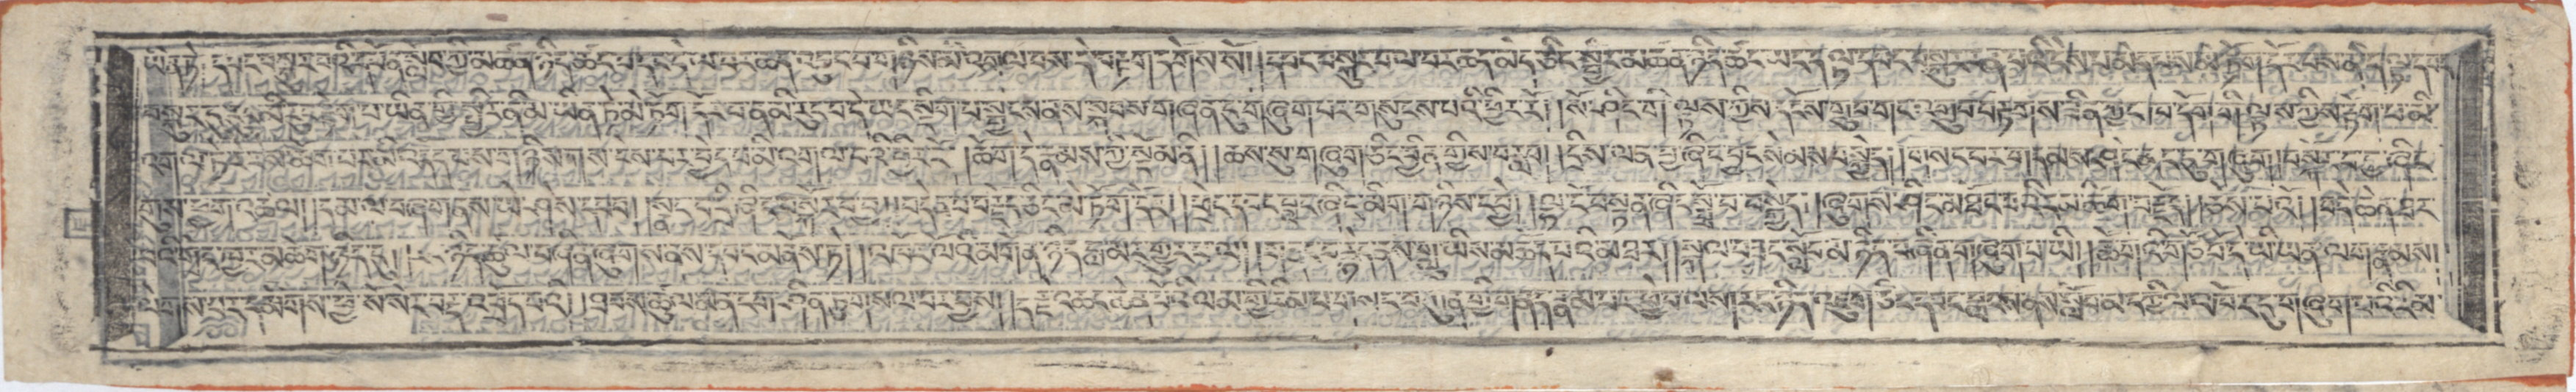ཡིན་ཏེ། དབང་བསྐུར་བའི་དཔོན་སློབ་ཀྱི་མཚན་ཉིད་ཚང་བ་དང་དེ་ལ་བར་ཆད་འབྱུང་བ་གཉིས་མི་འགལ་བས་དེ་བརྟག་དགོས་སོ། །དབང་བསྐུར་བ་ལ་བར་ཆད་མེད་ཅིང་སྤྱིར་མཚན་ཉིད་ཚང་ཡང་ད་ལྟ་དབང་བསྐུར་རན་པའི་ངེས་པ་མེད་པས་མེ་ཏོག་དོར་པས་ནི་ད་ལྟ་དབང་
བསྐུར་དུ་རུང་མི་རུང་རྟོག་པ་ཡིན་གྱི་སྤྱིར་ནི་མ་ཡིན་ཏེ་མེ་ཏོག་དོར་བ་ན་མི་རུང་བ་དེ་ཡང་སྡིག་པ་སྦྱངས་ནས་སྐབས་གཞན་དུ་གཞུག་པར་གསུངས་པའི་ཕྱིར་རོ། །སོ་ཤིང་གི་ལྟས་ཀྱིས་དངོས་གྲུབ་གང་འགྲུབ་བརྟགས་ཟིན་ཀྱང་ཁ་དོག་གི་ལྟས་ཀྱིས་རྟོག་པ་མི་
འགལ་ཏེ་རེ་རེས་ཆོག་པར་མི་འདོད་པས་གཉིས་ཀས་ངེས་པར་བྱེད་པ་མི་འགལ་བའི་ཕྱིར་རོ། །ཆོ་ག་དེ་རྣམས་ཀྱི་སྡོམ་ནི། །ཆས་སུ་གཞུག་ཅིང་བྱིན་གྱིས་བརླབ། །དྲིས་ལན་བྱ་ཞིང་བྱང་སེམས་བསྐྱེད། །གསང་བར་གདམས་ཤིང་ནང་དུ་གཞུག །བསྐོར་བ་བྱ་ཞིང་
གུས་ཕྱག་འཚལ། །དམ་ལ་བཞག་ནས་ཡེ་ཤེས་དབབ། །སྣང་བ་དྲི་ཞིང་བསྐོར་བ་བྱ། །བདེན་པ་བརྗོད་ཅིང་མེ་ཏོག་དོར། །ཕྲེང་དབང་བླང་ཞིང་མིག་གཉིས་དབྱེ། །ལྷ་ངོ་བསྟན་ཞིང་སྤྲོ་བ་བསྐྱེད། །ཞུགས་ཤིང་མཐོང་བའི་དམ་ཚིག་བརྗོད། །ཅེས་པའོ། །བདེ་ཆེན་ཐར་
པའི་གྲོང་ཁྱེར་མཆོག་ཉིད་དུ། །རང་ཉིད་ཚུལ་བཞིན་ཞུགས་ནས་དབང་མནོས་ཏེ། །འཁོར་ལོའི་མགོན་ཉིད་བླ་མར་གྱུར་པ་ལ། །གནང་བ་རྙེད་ནས་གླུ་ཡིས་མཆོད་པའི་མཐར། །སྐལ་བཟང་སློབ་མའི་ཉིད་བཞིན་གཞུག་པ་ཡི། །ཆོ་གའི་གཙོ་བོ་དེ་ཡི་ཡན་ལག་རྣམས། །
ལེགས་པར་དམིགས་ཕྱེ་སོ་སོར་བརྡ་འཕྲོད་པའི། །ཐབས་ཚུལ་མན་ངག་ཤིན་ཏུ་གསལ་བར་བྱས། །རྡོ་རྗེ་འཆང་ཆེན་པོའི་ལམ་གྱི་རིམ་པ་གསང་བ་ཀུན་གྱི་གནད་རྣམ་པར་ཕྱེ་བ་ལས། རང་ཉིད་འཇུག་ཅིང་དབང་བླངས་ནས་སློབ་མ་དཀྱིལ་འཁོར་དུ་གཞུག་པའི་རིམ་